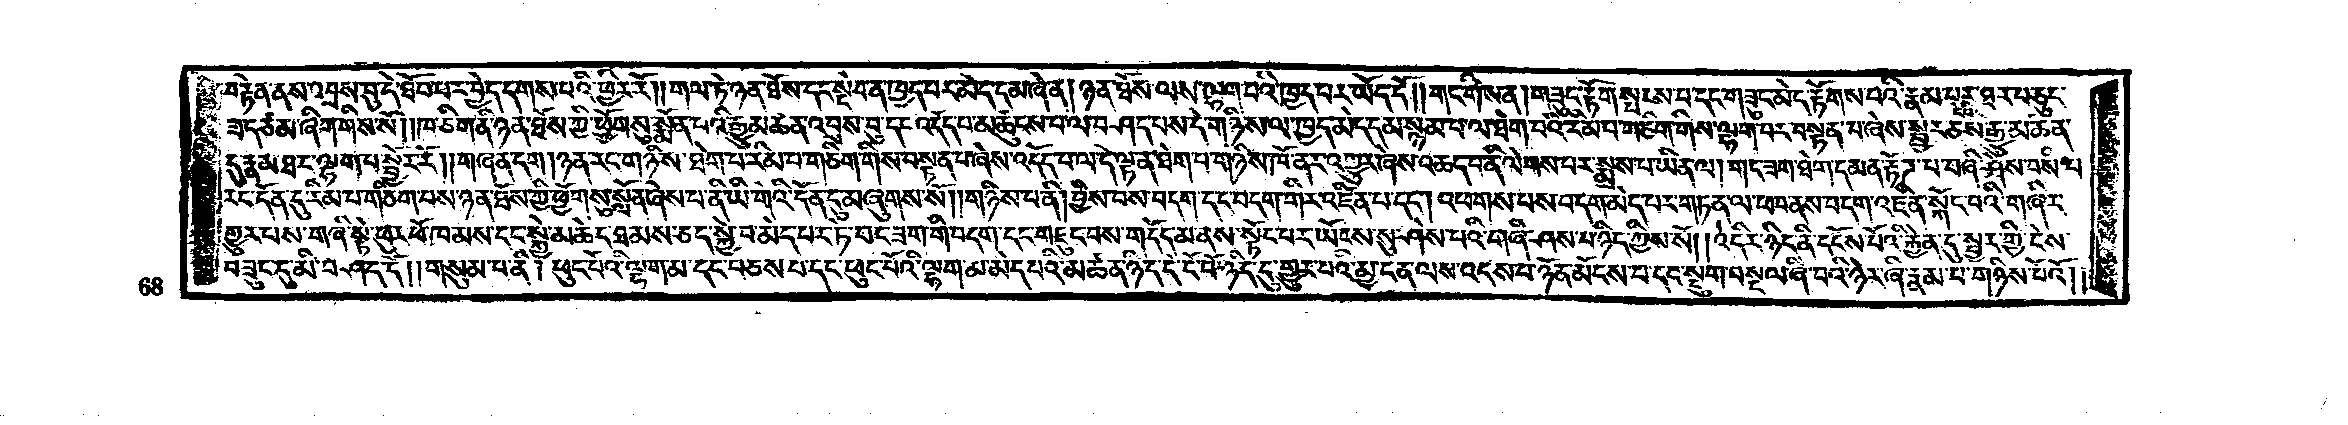བརྟེན་ནས་འབྲས་བུ་དེ་ཐོབ་པར་བྱེད་དགོས་པའི་ཕྱིར་རོ། །གལ་ཏེ་ཉན་ཐོས་དང་སྡེབ་ན་ཁྱད་པར་མེད་དམ་ཞེ་ན། ཉན་ཐོས་ལས་ལྷག་པའི་ཁྱད་པར་ཡོད་དོ། །གང་གིས་ན། གཟུང་རྟོག་སྤངས་པ་དང་གཟུང་མེད་རྟོགས་པའི་རྣམ་པར་ཐར་པ་ཅུང་
ཟད་ཙམ་ཞིག་གིས་སོ། །ཁ་ཅིག་ནི་ཉན་ཐོས་ཀྱི་ཕྱོགས་སུ་སྨོན་པའི་རྒྱུ་མཚན་འབྲས་བུ་དང་འདོད་པ་མཚུངས་པ་ལ་བཤད་པས་དེ་གཉིས་ལ་ཁྱད་མེད་དམ་སྙམ་པ་ལ་ཐེག་པའི་རིམ་པ་གཅིག་གིས་ལྷག་པར་བསྟན་པ་ཞེས་སྦྱར་ནས་དེའི་རྒྱུ་མཚན་
དུ་རྣམ་ཐར་ལྷག་པ་སྦྱོར་རོ། །གཞན་དག །ཉན་རང་གཉིས་ཐེག་པ་རིམ་པ་གཅིག་གིས་བསྟན་པ་ཞེས་འདོད་པ་ལ་དེ་ལྟ་ན་ཐེག་པ་གཉིས་ཁོ་ནར་འགྱུར་ཞེས་འཆད་པ་ནི་ལེགས་པར་སྨྲས་པ་ཡིན་ལ། གང་ཟག་ཐེག་དམན་རྟོགས་པ་གཞི་ཤེས་བསམ་པ་
རང་དོན་དུ་རིམ་པ་གཅིག་པས་ཉན་ཐོས་ཀྱི་ཕྱོགས་སུ་སློན་ཞེས་པ་ནི་ཡི་གེའི་དོན་དུ་མ་ཞུགས་སོ། །གཉིས་པ་ནི། བྱིས་པས་བདག་དང་བདག་གིར་འཛིན་པ་དང་། འཕགས་པས་བདག་མེད་པར་གཏན་ལ་ཕབ་ནས་བདག་འཛིན་སྤོང་བའི་གཞིར་
གྱུར་པས་གཞི་སྟེ་ཕུང་པོ་ཁམས་དང་སྐྱེ་མཆེད་ཐམས་ཅད་སྐྱེ་བ་མེད་པར་ཏེ་གང་ཟག་གི་བདག་དང་གཟུང་བས་གདོད་མ་ནས་སྟོང་པར་ཡོངས་སུ་ཤེས་པའི་གཞི་ཤེས་པ་ཉིད་ཀྱིས་སོ། །འདིར་ཉིད་ནི་དངོས་པོའི་རྐྱེན་དུ་སྦྱར་གྱི་ངེས་
བཟུང་དུ་མི་བཤད་དོ། །གསུམ་པ་ནི། ཕུང་པོའི་ལྷག་མ་དང་བཅས་པ་དང་ཕུང་པོའི་ལྷག་མ་མེད་པའི་མཚན་ཉིད་དེ་ངོ་བོ་ཉིད་དུ་གྱུར་པའི་མྱ་ངན་ལས་འདས་པ་ཉོན་མོངས་པ་དང་སྡུག་བསྔལ་བཞི་བའི་ཉེར་ཞི་རྣམ་པ་གཉིས་པོའོ། །